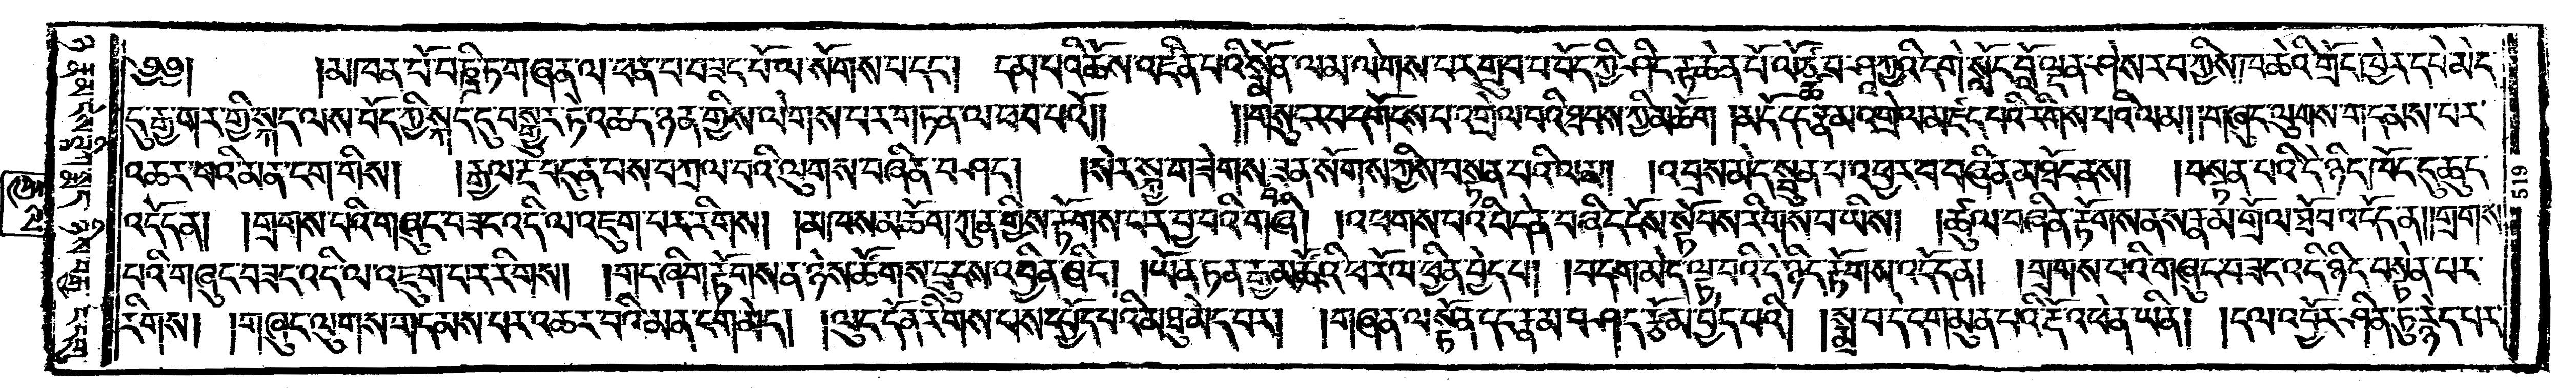༄༅། །མཁན་པོ་བཎྜི་ཏ་གཞན་ལ་ཕན་པ་བཟང་པོ་ལ་སོགས་པ་དང་། དམ་པའི་ཆོས་འཛིན་པའི་སྨོན་ལམ་ལེགས་པར་གྲུབ་པ་བོད་ཀྱི་ཤིང་རྟ་ཆེན་པོ་ལོཙྪ་བ་ཤཱཀྱའི་དགེ་སློང་བློ་ལྡན་ཤེས་རབ་ཀྱིས་ཁ་ཆེའི་གྲོང་ཁྱེར་དཔེ་མེད་
དུ་རྒྱ་གར་གྱི་སྐད་ལས་བོད་ཀྱི་སྐད་དུ་བསྒྱུར་ཏེ་འཆད་ཉན་གྱིས་ལེགས་པར་གཏན་ལ་ཕབ་པའོ།། །།གསུང་རབ་དགོངས་པ་འགྲེལ་བའི་ཐབས་ཀྱི་མཆོག །མདོ་དང་རྣམ་འགྲེལ་མཛད་པའི་རིགས་པའི་ལམ། །གཞུང་ལུགས་གདམས་པར་
འཆར་བའི་མན་ངག་གིས། །རྒྱལ་རྡ་བདུན་པས་བཀྲལ་བའི་ལུགས་བཞིན་བཤད། །སེར་སྐྱ་གཟེགས་བཟན་སོགས་ཀྱིས་བསྟན་པའི་ལམ། །འབྲས་མེད་སྦུན་པ་འཕྱར་བ་བཞིན་མཐོང་ནས། །བསྟན་པའི་དེ་ཉིད་ཁོང་དུ་ཆུང་
འདོད་ན། །གྲགས་པའི་གཞུང་བཟང་འདི་ལ་འཇུག་པར་རིགས། མཁས་མཆོག་ཀུན་གྱིས་རྟོགས་པར་བྱ་བའི་གཞི། །འཕགས་པའི་བདེན་པ་བཞི་དངོས་སྟོབས་རིགས་པ་ཡིས། །ཚུལ་བཞིན་རྟོགས་ནས་རྣམ་གྲོལ་ཐོབ་འདོད་ན། །གྲགས།
པའི་གཞུང་བཟད་འདི་ལ་འཇུག་པར་རིགས། །གང་ཞིག་རྟོགས་ན་ཉེས་ཚོགས་དྲུངས་འབྱིན་ཞིང་། །ཡོན་ཏན་རྒྱ་མཚོའི་ཕ་རོལ་ཕྱིན་བྱེད་པ། །བདག་མེད་ལྟ་བའི་དེ་ཉིད་རྟོགས་འདོད་ན། །གྲགས་པའི་གཞུང་བཟང་འདི་ཉིད་བསྟེན་པར་
རིགས། །གཞུང་ལུགས་གདམས་པར་འཆར་བའི་མན་ངག་མེད། །ལུང་དོན་རིགས་པས་དཔྱོད་པའི་མཐུ་མེད་པར། །གཞན་ལ་སྟོན་དང་རྣམ་བཤད་རྩོམ་བྱེད་པའི། །སྨྲ་བ་དེ་དག་མུན་པའི་རྡོ་འཕེན་ཡིན། །དལ་འབྱོར་ཤིན་ཏུ་རྙེད་པར་